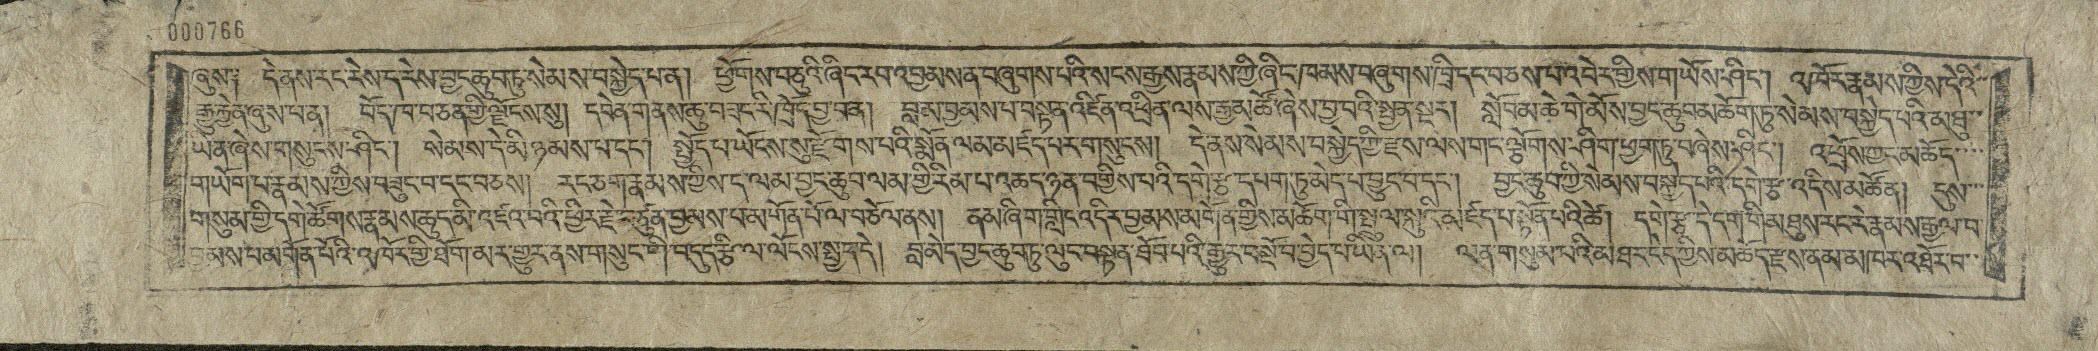ཞུས༑ དེ་ནས་རང་རེས་ད་རེས་བྱང་ཆུབ་ཏུ་སེམས་བསྐྱེད་པ་ན། ཕྱོགས་བཅུའི་ཞིང་རབ་འབྱམས་ན་བཞུགས་པའི་སངས་རྒྱས་རྣམས་ཀྱི་ཞིང་ཁམས་བཞུགས་ཁྲི་དང་བཅས་པ་འབེར་གྱིས་གཡོས་ཤིང་། འཁོར་རྣམས་ཀྱིས་དེའི་
རྒྱུ་རྐྱེན་ཞུས་པ་ན། བོད་ཁ་བ་ཅན་གྱི་ལྗོངས་སུ། དབེན་གནས་ཆུ་བཟང་རི་ཁྲོད་བྱ་བ་ན། བླ་མ་བྱམས་པ་བསྟན་འཛིན་འཕྲིན་ལས་རྒྱ་མཚོ་ཞེས་བྱ་བའི་སྤྱན་སྔར། སློབ་མ་ཆེ་གེ་མོས་བྱང་ཆུབ་མཆོག་ཏུ་སེམས་བསྐྱེད་པའི་མཐུ་
ཡིན་ཞེས་གསུངས་ཤིང་སེམས་དེ་མི་ཉམས་པ་དང་། སྤྱོད་པ་ཡོངས་སུ་རྫོགས་པའི་སྨོན་ལམ་མཛད་པར་གསུངས། དེ་ནས་སེམས་བསྐྱེད་ཀྱི་རྫས་ལས་གང་ལྕོགས་ཤིག་ཕྱག་ཏུ་བཞེས་ཤིང་། འཕྲོས་ཀྱང་མཆོད་
གཡོག་པ་རྣམས་ཀྱིས་བཟུང་བ་དང་བཅས། རང་ཅག་རྣམས་ཀྱིས་ད་ལམ་བྱང་ཆུབ་ལམ་གྱི་རིམ་པ་འཆད་ཉན་བགྱིས་པའི་དགེ་རྩ་དཔག་ཏུ་མེད་པ་བྱུང་བ་དང་། བྱང་ཆུབ་ཀྱི་སེམས་བསྐྱེད་པའི་དགེ་རྩ་འདིས་མཚོན། དུས་
གསུམ་གྱི་དགེ་ཚོགས་རྣམས་ཆུད་མི་འཛའ་བའི་ཕྱིར་རྗེ་བཙུན་བྱམས་པ་མགོན་པོ་ལ་བཅོལ་ནས། ནམ་ཞིག་གླིང་འདིར་བྱམས་མགོན་གྱིས་མཆོག་གི་སྤྲུལ་སྐུའི་མཛད་པ་སྟོན་པའི་ཚེ། དགེ་རྩ་དེ་དག་གི་མཐུས་རང་རེ་རྣམས་རྒྱལ་བ་
བྱམས་པ་མགོན་པོའི་འཁོར་གྱི་ཐོག་མར་གྱུར་ནས་གསུང་གི་བདུད་རྩི་ལ་ལོངས་སྤྱད་དེ། བླ་མེད་བྱང་ཆུབ་ཏུ་ལུང་བསྟན་ཐོབ་པའི་རྒྱུར་བསྔོ་བ་བྱེད་པ་ཡིན་ལ། ལན་གསུམ་པའི་མཐར་ངེད་ཀྱིས་མཆོད་རྫས་ནམ་མཁར་འཐོར་བ་